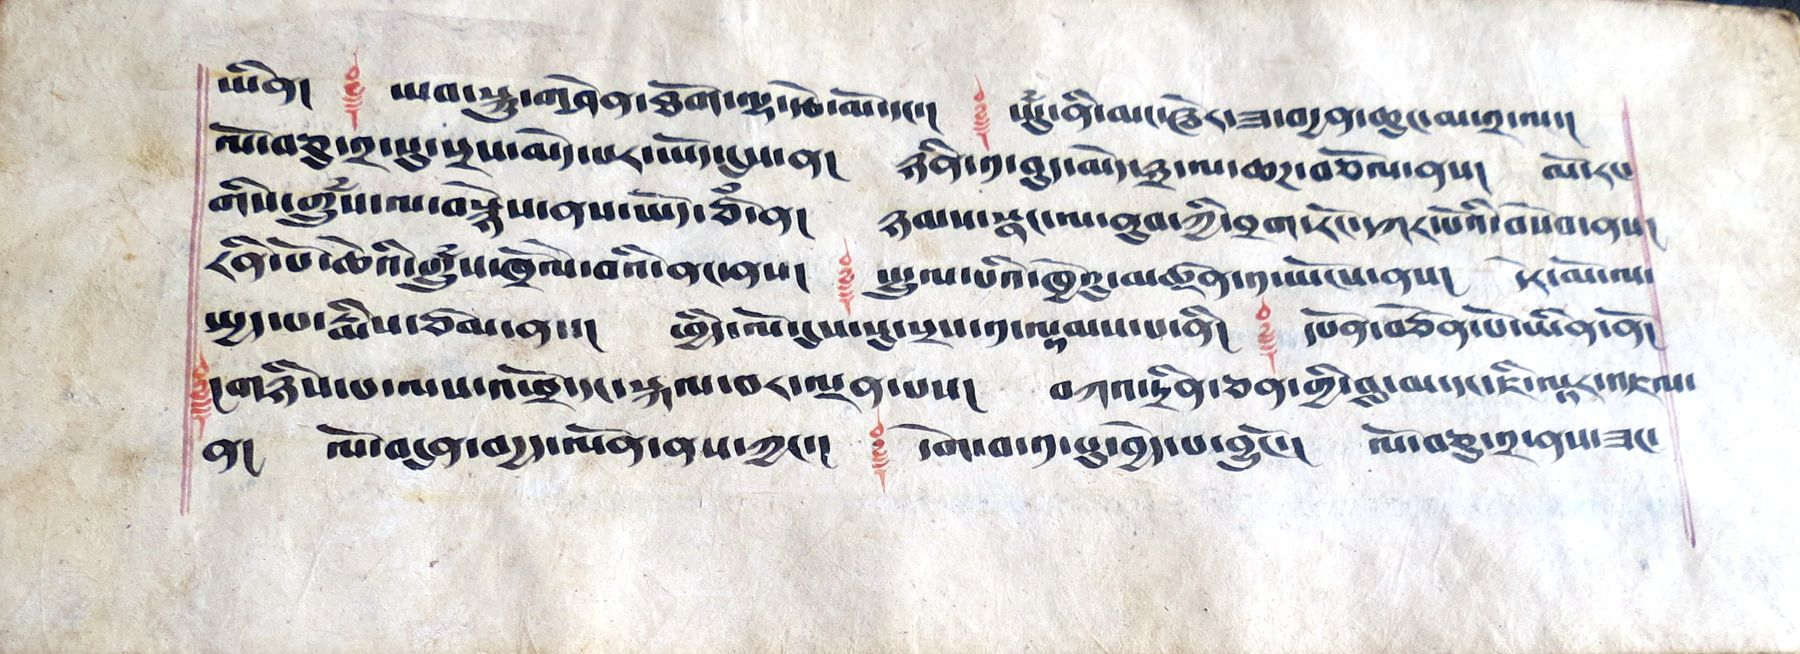ཡིན། ཡབ་སྐུ་གཤེན་ཐོག་ལྷ་རྩེ་མོ་དང་། ཡུམ་ནི་མང་ཝེར་བཟའ་རྒྱན་ཆུང་མ་གཉིས་ལ། 
ལོ་བཅུ་གཉིས་སུ་སྲས་མེད་ཅིང་ཡོད་དུས་ན། ཉིན་ཞིག་བུད་མེད་གསུམ་ལ་ཆགས་བཅོལ་ནས། མོ་རང་
གིས་བྲུམས་ལ་བསྙས་ནས་ཡོད་ཙམ་ན། ཉམས་སྣང་ལ་ནུབ་ཀྱི་བྲག་རོང་དཀར་པོའི་གསེབ་ནས། 
རིན་པོ་ཆེའི་བྲུམ་ཁྲོལ་ལེ་བའི་ནང་ནས། སྤྲུལ་པའི་ཁྱེའུ་མཚན་ལྡན་ཞིག་ཡོང་ནས། དེས་མོ་ལ་
སྤྱོད་པ་རྨིས་ཙམ་ན། ཕྱི་ལོ་དུས་སུ་སྲས་གཅིག་བལྟམས་པ་ནི། དཔོན་བཙན་པོ་ཡིན་ནོ། 
།གཉིས་པ་ལས་འཕྲོ་དང་སྐལ་པར་ལྡན་པས། བཀའ་དྲིན་ཅན་གྱི་བླ་མ་དང་ཅི་ལྟར་མཇལ་
ན། ལོ་བདུན་བརྒྱད་ལོན་ནས་ཀྱང་དགེ་བ་གཅིག་པུ་བྱེད་པ་བྱུང་ངོ་། ། ལོ་བཅུ་གཉིས་ནས་ཟང་